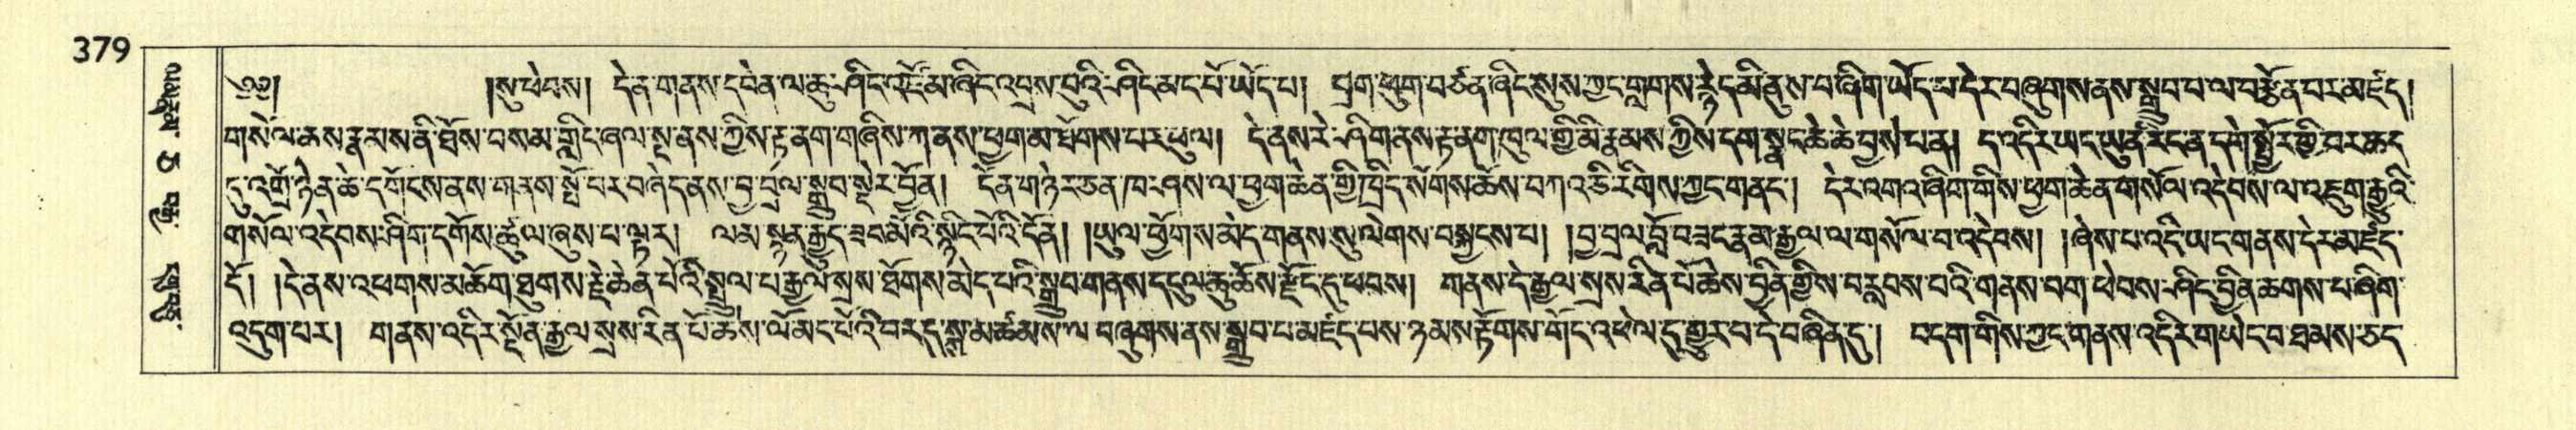༄༅། །སུ་ཕེབས། དེ་ན་གནས་དབེན་ལ་ཆུ་ཤིང་འཛོམ་ཞིང་འབྲས་བུའི་ཤིང་མང་པོ་ཡོད་པ། བྲག་ཕུག་བཙན་ཞིང་སུས་ཀྱང་གླགས་རྙེད་མི་ནུས་བ་ཞིག་ཡོད་པ་དེར་བཞུགས་ནས་སྒྲུབ་པ་ལ་བརྩོན་པར་མཛད།
གསོལ་ཆས་རྣམས་ནི་ཐོས་བསམ་གླིང་ཞལ་སྔ་ནས་ཀྱིས་རྟ་ནག་གཞིས་ཀ་ནས་ཕྱག་མ་ཐོགས་པར་ཕུལ། དེ་ནས་རེ་ཤིག་ནས་རྟ་ནག་ཁུལ་གྱི་མི་རྣམས་ཀྱིས་དག་སྣང་ཆེ་ཆེ་བྱས་པ་ན། ད་འདིར་ཡང་ཡུན་རིང་ན་དགེ་སྦྱོར་གྱི་བར་ཆད་
དུ་འགྲོ་ཉེན་ཆེ་དགོངས་ནས་གནས་སྤོ་བར་བཞེད་ནས་བྱ་བྲལ་སྒྲུབ་སྡེར་བྱོན། དོན་གཉེར་ཅན་ཁ་ཤས་ལ་ཕྱག་ཆེན་གྱི་ཁྲིད་སོགས་ཆོས་བཀའ་ཅི་རིགས་ཀྱང་གནང་། དེར་འགའ་ཞིག་གིས་ཕྱག་ཆེན་གསོལ་འདེབས་ལ་འཇུག་རྒྱུའི་
གསོལ་འདེབས་ཤིག་དགོས་ཚུལ་ཞུས་པ་ལྟར། ལམ་སྙན་རྒྱུད་ཟབ་མོའི་སྙིང་པོའི་དོན། །ཡུལ་ཕྱོགས་མེད་གནས་སུ་ལེགས་བསྐྱངས་པ། །བྱ་བྲལ་བློ་བཟང་རྣམ་རྒྱལ་ལ་གསོལ་བ་འདེབས། །ཞེས་པ་འདི་ཡང་གནས་དེར་མཛད་
དོ། །དེ་ནས་འཕགས་མཆོག་ཐུགས་རྗེ་ཆེན་པོའི་སྤྲུལ་པ་རྒྱལ་སྲས་ཐོགས་མེད་པའི་སྒྲུབ་གནས་དངུལ་ཆུ་ཆོས་རྫོང་དུ་ཕབས། གནས་དེ་རྒྱལ་སྲས་རིན་པོ་ཆེས་བྱིན་གྱིས་བརླབས་པའི་གནས་བག་ཕེབས་ཤིང་བྱིན་ཆགས་པ་ཞིག་
འདུག་པར། གནས་འདིར་སྔོན་རྒྱལ་སྲས་རིན་པོ་ཆེས་ལོ་མང་པོའི་བར་དུ་སྐུ་མཚམས་ལ་བཞུགས་ནས་སྒྲུབ་པ་མཛད་པས་ཉམས་རྟོགས་གོང་འཕེལ་དུ་གྱུར་བ་དེ་བཞིན་དུ། བདག་གིས་ཀྱང་གནས་འདིར་གཡེང་བ་ཐམས་ཅད་